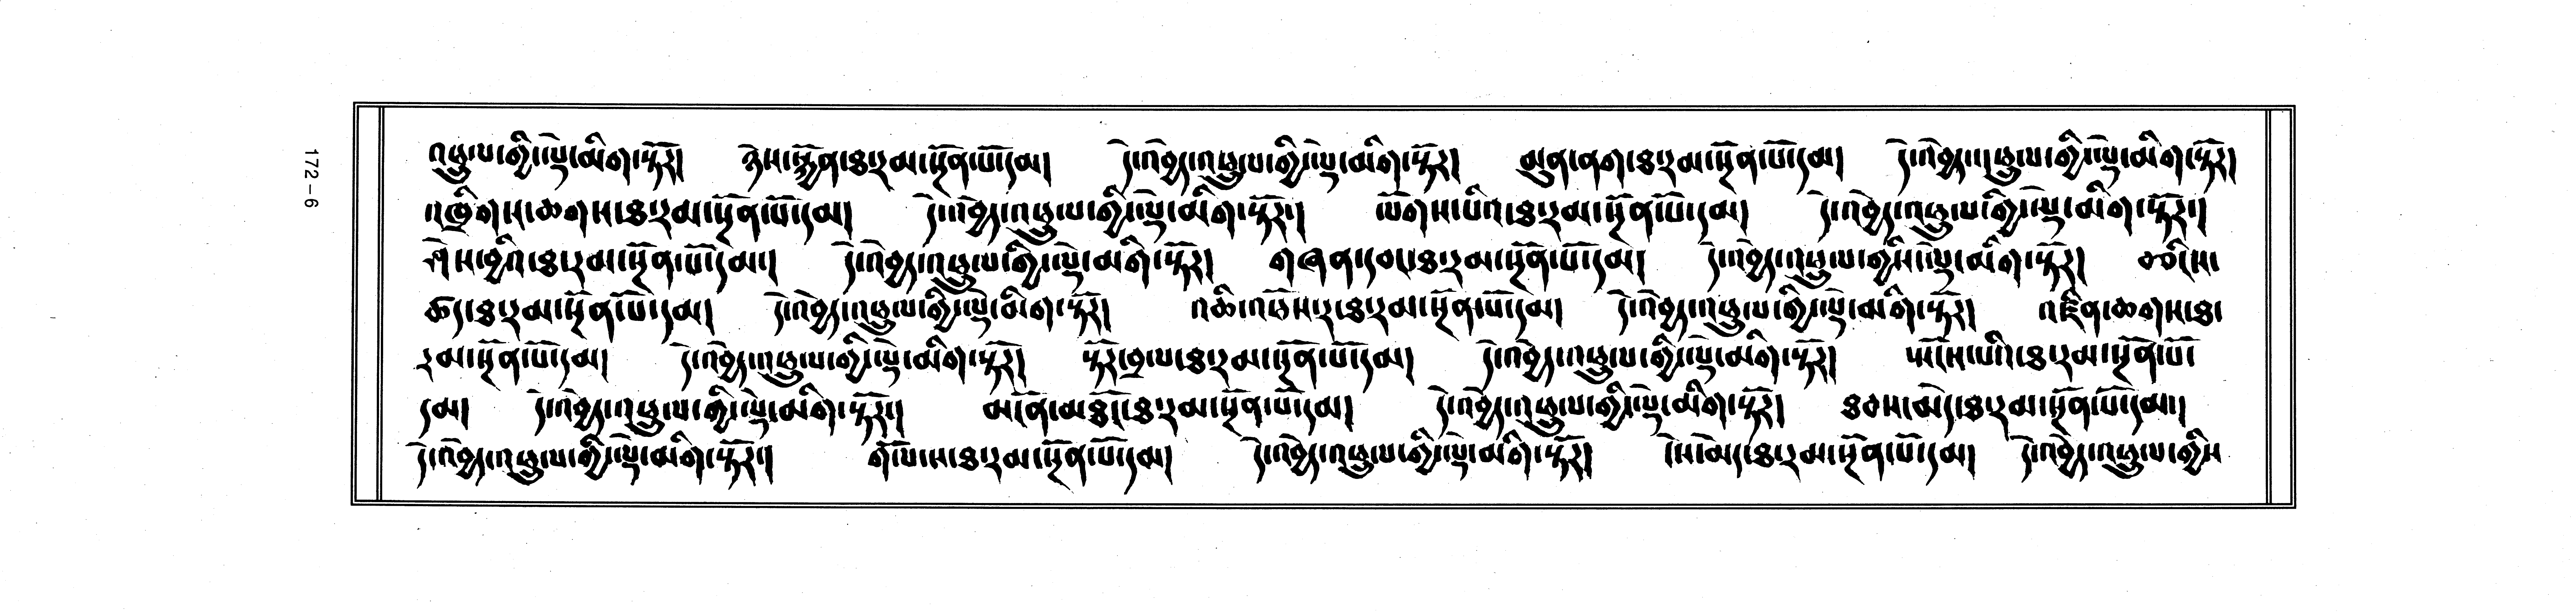འཕྲུལ་གྱི་ལྡེ་མིག་སྟོར། ཉེས་སྐྱོན་ཐ་རམ་སྔོན་པོ་དམ། དེ་འབྱེད་འཕྲུལ་གྱི་ལྡེ་མིག་སྟོར། མུན་ནག་ཐ་རམ་སྔོན་པོ་དམ། དེ་འབྱེད་འཕྲུལ་གྱི་ལྡེ་མིག་སྟོར། 
འཁྲིག་ཆགས་ཐ་རམ་སྔོན་པོ་དམ། དེ་འབྱེད་འཕྲུལ་གྱི་ལྡེ་མིག་སྟོར། ལོག་པའི་ཐ་རམ་སྔོན་པོ་དམ། དེ་འབྱེད་འཕྲུལ་གྱི་ལྡེ་མིག་སྟོར། 
ཤེས་བྱའི་ཐ་རམ་སྔོན་པོ་དམ། དེ་འབྱེད་འཕྲུལ་གྱི་ལྡེ་མིག་སྟོར། གཞན་དབང་ཐ་རམ་སྔོན་པོ་དམ། དེ་འབྱེད་འཕྲུལ་གྱི་ལྡེ་མིག་སྟོར། བཅིངས་
ཚད་ཐ་རམ་སྔོན་པོ་དམ། དེ་འབྱེད་འཕྲུལ་གྱི་ལྡེ་མིག་སྟོར། འཆི་འཕོས་ར་ཐ་རམ་སྔོན་པོ་དམ། དེ་འབྱེད་འཕྲུལ་གྱི་ལྡེ་མིག་སྟོར། འཛིན་ཆགས་ཐ་
རམ་སྔོན་པོ་དམ། དེ་འབྱེད་འཕྲུལ་གྱི་ལྡེ་མིག་སྟོར། སྟོར་བྲལ་ཐ་རམ་སྔོན་པོ་དམ། དེ་འབྱེད་འཕྲུལ་གྱི་ལྡེ་མིག་སྟོར། སྤོངས་པའི་ཐ་རམ་སྔོན་པོ་
དམ། དེ་འབྱེད་འཕྲུལ་གྱི་ལྡེ་མིག་སྟོར། མངོན་མཐོང་ཐ་རམ་སྔོན་པོ་དམ། དེ་འབྱེད་འཕྲུལ་གྱི་ལྡེ་མིག་སྟོར། ཐབས་མེད་ཐ་རམ་སྔོན་པོ་དམ། 
དེ་འབྱེད་འཕྲུལ་གྱི་ལྡེ་མིག་སྟོར། གོལ་ས་ཐ་རམ་སྔོན་པོ་དམ། དེ་འབྱེད་འཕྲུལ་གྱི་ལྡེ་མིག་སྟོར། ངེས་མེད་ཐ་རམ་སྔོན་པོ་དམ། དེ་འབྱེད་འཕྲུལ་གྱི་